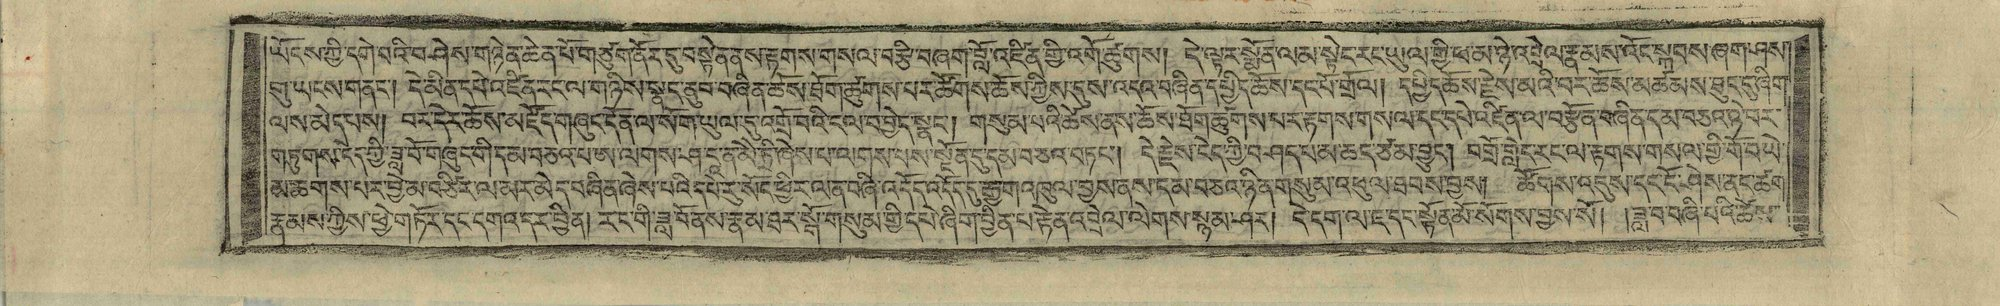ཡོངས་ཀྱི་དགེ་བའི་བཤེས་གཉེན་ཆེན་པོ་གཙུག་ནོར་དུ་བསྟེན་ནས་རྟགས་གསལ་བརྩི་བཞག་བློ་འཛིན་གྱི་འགོ་ཚུགས། དེ་ལྟར་སྨོན་ལམ་སྟེང་རང་ཡུལ་གྱི་ཕ་མ་ཉེ་འབྲེལ་རྣམས་འོང་སྐབས་ཞག་ཤས་
གུ་ཡངས་གནང་། དེ་མིན་དཔེ་འཛིན་རང་ལ་གཉིས་སྣང་ནུབ་བཞིན་ཆོས་ཐོག་ཚུགས་པར་ཚོགས་ཆོས་ཀྱིས་དུས་འདའ་བཞིན་དཔྱིད་ཆོས་དང་པོ་གྲོལ། དཔྱིད་ཆོས་རྗེས་མའི་བར་ཆོས་མཚམས་ཐུང་ངུ་ཞིག་
ལས་མེད་པས། བར་དེར་ཆོས་མཛོད་གཞུང་དོན་ལ་སོག་ཡུལ་དུ་འགྲོ་བའི་ངལ་བ་བྱེད་སྣང་། གསུམ་པའི་ཚེས་ནས་ཆོས་ཐོག་ཚུགས་པར་རྟགས་གསལ་དང་དཔེ་འཛིན་ལ་བརྩོན་བཞིན་དམ་བཅའ་ཉེ་བར་
གཏུགས་ངེད་ཀྱི་ཟླ་བོ་གཞུང་གི་དམ་བཅའ་པ་ཨ་ལགས་ཤ་དཱ་ན་མཻ་ཏྲི་ཞེས་པ་ལགས་པས་སྔོན་དུ་དམ་བཅའ་བཏང་། དེ་རྗེས་ངེད་ཀྱི་བཤད་པ་མ་ཆད་ཙམ་བྱུང་། བགྲོ་གླེང་རང་ལ་རྟགས་གསལ་གྱི་གོ་བ་ཡེ་
མ་ཆགས་པར་བྱེ་མ་བཙིར་ལ་མར་མེད་བཞིན་ཞེས་པའི་དཔེ་རུ་སོང་ཕྱིར་ལན་བཞི་འདོད་འདོད་དུ་རྒྱ་ག་འཁུལ་བྱས་ནས་དམ་བཅའ་ཉིན་གསུམ་འཕུལ་ཐབས་བྱས། ཚོགས་འདུས་དང་ངོ་ཤེས་ནང་ཚག་
རྣམས་ཀྱིས་ཕྱེ་གཏོར་དང་དགའ་དར་བྱིན། རང་གི་ཟླ་བོ་ནས་རྣམ་ཐར་སྒོ་གསུམ་གྱི་དཔེ་ཞིག་བྱིན་པ་རྟེན་འབྲེལ་ལེགས་སྙམ་ཤར། དེ་དག་ལ་ཇ་དང་སྟོན་མོ་སོགས་བྱས་སོ། །ཟླ་བ་བཞི་པའི་ཚེས་